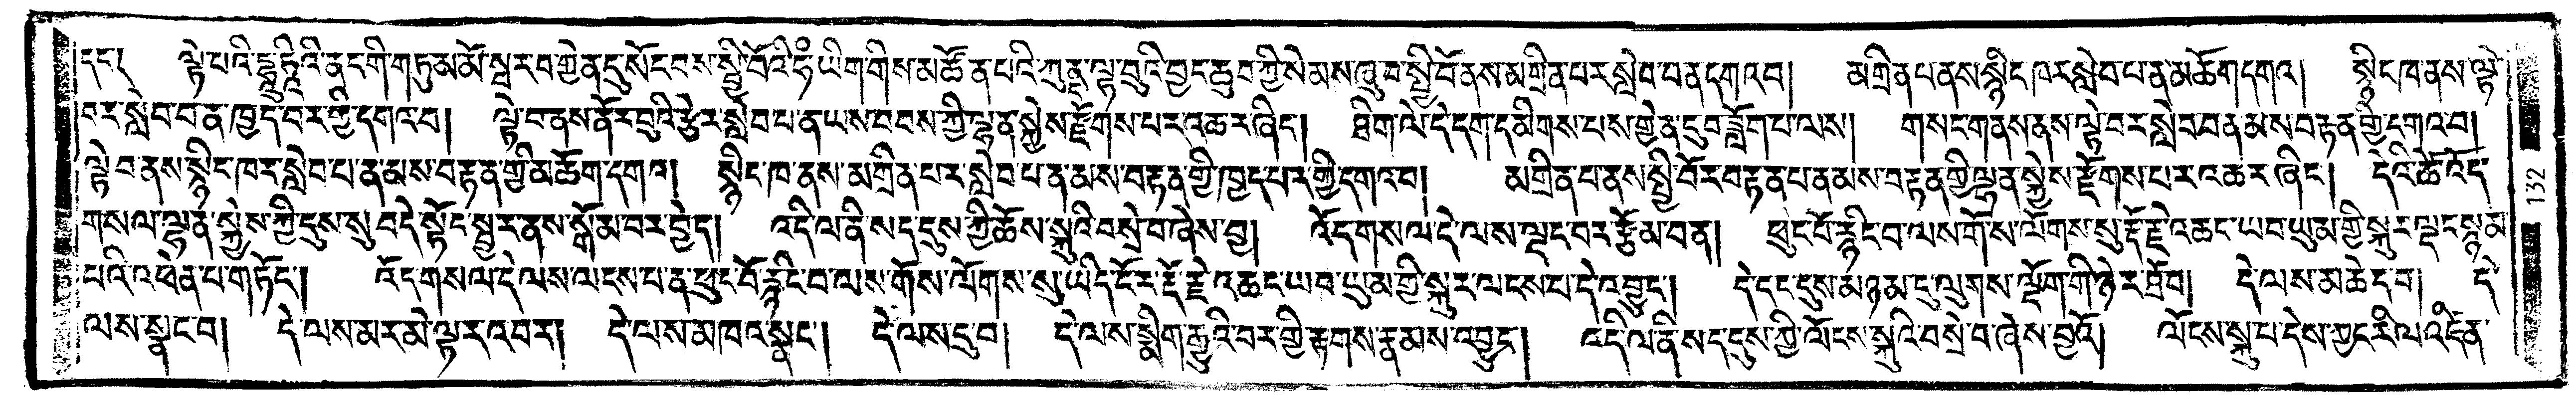དང་། ལྟེ་པའི་དྷཱུ་ཏཱིའི་ནང་གི་གཏུམ་མོ་སྦར་བ་གྱེན་དུ་སོང་བས་སྤྱི་བོའི་ཧཾ་ཡིག་གིས་མཚོན་པའི་ཀུནྡ་ལྟ་བུའི་བྱང་ཆུབ་ཀྱི་སེམས་ཞུ་བ་སྤྱི་བོ་ནས་མགྲིན་པར་སླེབ་པ་ན་དགའ་བ། མགྲིན་པ་ནས་སྙིང་ཁར་སླེབ་པ་ན་མཆོག་དགའ། སྙིང་ཁ་ནས་ལྟེ་
བར་སླེབ་པ་ན་ཁྱད་པར་གྱི་དགའ་བ། ལྟེ་བ་ནས་ནོར་བུའི་རྩེར་སླེབ་པ་ན་ཡས་བབས་ཀྱི་ལྷན་སྐྱེས་རྫོགས་པར་འཆར་ཞིང་། ཐིག་ལེ་དེ་དག་དམིགས་པས་གྱེན་དུ་བཟློག་པ་ལས། གསང་གནས་ནས་ལྟེ་བར་སླེབ་བ་ནམས་བརྟན་གྱི་དགའ་བ།
ལྟེ་བ་ནས་སྙིང་ཁར་སླེབ་པ་ན་མས་བརྟན་གྱི་མཆོག་དགའ། སྙིང་ཁ་ནས་མགྲིན་པར་སླེབ་པ་ན་མས་བརྟན་གྱི་ཁྱད་པར་གྱི་དགའ་བ། མགྲིན་པ་ནས་སྤྱི་བོར་བརྟན་པ་ནམས་བརྟན་གྱི་ལྷན་སྐྱེས་རྫོགས་པར་འཆར་ཞིང་། དེའི་ཚེ་འོད་
གསལ་ལྷན་སྐྱེས་ཀྱི་དུས་སུ་བདེ་སྟོང་སྦྱར་ནས་སྒོམ་པར་བྱེད། འདི་ལ་ནི་སད་དུས་ཀྱི་ཆོས་སྐུའི་བསྲེ་བ་ཞེས་བྱ། འོད་གསལ་དེ་ལས་ལྡང་བར་རྩོམ་བ་ན། ཕུང་པོ་རྙིང་བ་ལ་སོགས་ལོགས་སུ་རྡོ་རྗེ་འཆང་ཡབ་ཡུམ་གྱི་སྐུར་ལྡང་སྙམ་
པའི་འཕེན་པ་གཏོང་། འོད་གསལ་དེ་ལས་ལངས་པ་ན་ཕུང་བོ་རྙིང་བ་ལས་གོས་ལོགས་སུ་ཡིད་ངོར་རྡོ་རྗེ་འཆང་ཡབ་ཡུམ་གྱི་སྐུར་ལངས་པ་དེ་འབྱུང་། དེ་དང་དུས་མཉམ་དུ་ལུགས་ལྡོག་གི་ཉེར་ཐོབ། དེ་ལས་མཆེད་པ། དེ་
ལས་སྣང་བ། དེ་ལས་མར་མེ་ལྟར་འབར། དེ་ལས་མཁའ་སྣང་། དེ་ལས་དུ་བ། དེ་ལས་སྨིག་རྒྱུའི་བར་གྱི་རྟགས་རྣམས་འབྱུང་། འདི་ལ་ནི་སད་དུས་ཀྱི་ལོངས་སྐུའི་བསྲེ་བ་ཞེས་བྱའོ། ལོངས་སྐུ་པ་དེས་ཀྱང་རིལ་འཛིན་